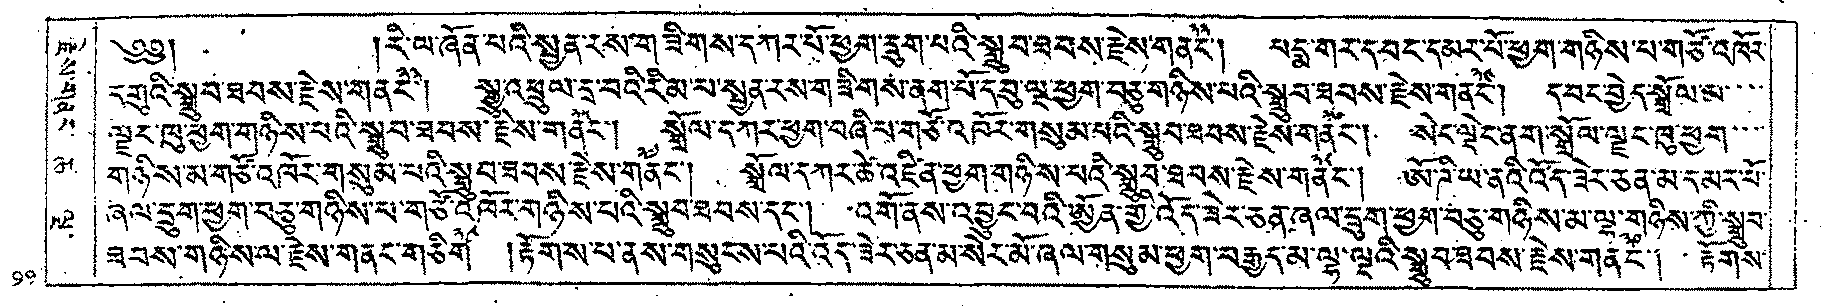༄༅། །རི་ལ་ཞོན་པའི་སྤྱན་རས་གཟིགས་དཀར་པོ་ཕྱག་དྲུག་པའི་སྒྲུབ་ཐབས་རྗེས་གནང ༢༢། པདམ་གར་དབང་དམར་པོ་ཕྱག་གཉིས་པ་གཙོ་འཁོར་
དགུའི་སྒྲུབ་ཐབས་རྗེས་གནང ༢༣། སྒྱུ་འཕྲུལ་དྲ་བའི་རིམ་པ་སྤྱན་རས་གཟིགས་ནག་པོ་དབུ་ལྔ་ཕྱག་བཅུ་གཉིས་པའི་སྒྲུབ་ཐབས་རྗེས་གནང ༢༤། དབང་བྱེད་སྒྲོལ་མ་
ལྗང་ཁུ་ཕྱག་གཉིས་པའི་སྒྲུབ་ཐབས་རྗེས་གནང ༢༥། སྒྲོལ་དཀར་ཕྱག་བཞི་པ་གཙོ་འཁོར་གསུམ་པའི་སྒྲུབ་ཐབས་རྗེས་གནང ༢༦། སེང་ལྡེང་ནག་སྒྲོལ་ལྗང་ཁུ་ཕྱག་
གཉིས་མ་གཙོ་འཁོར་གསུམ་པའི་སྒྲུབ་ཐབས་རྗེས་གནང ༢༧། སྒྲོལ་དཀར་ཚེ་འཛིན་ཕྱག་གཉིས་པའི་སྒྲུབ་ཐབས་རྗེས་གནང ༢༨། ཨོ་ཌི་ཡ་ནའི་འོད་ཟེར་ཅན་མ་དམར་པོ་
ཞལ་དྲུག་ཕྱག་བཅུ་གཉིས་པ་གཙོ་འཁོར་གཉིས་པའི་སྒྲུབ་ཐབས་དང་། འགོ་ནས་འབྱུང་བའི་ཨཡོན་གྱི་འོད་ཟེར་ཅན་ཞལ་དྲུག་ཕྱག་བཅུ་གཉིས་མ་ལྷ་གཉིས་ཀྱི་སྒྲུབ་
ཐབས་གཉིས་ལ་རྗེས་གནང་གཅིག ༢༩། རྟོགས་པ་ནས་གསུངས་པའི་འོད་ཟེར་ཅན་མ་སེར་མོ་ཞལ་གསུམ་ཕྱག་བརྒྱད་མ་ལྷ་ལྔའི་སྒྲུབ་ཐབས་རྗེས་གནང ༣༠། རྟོགས་